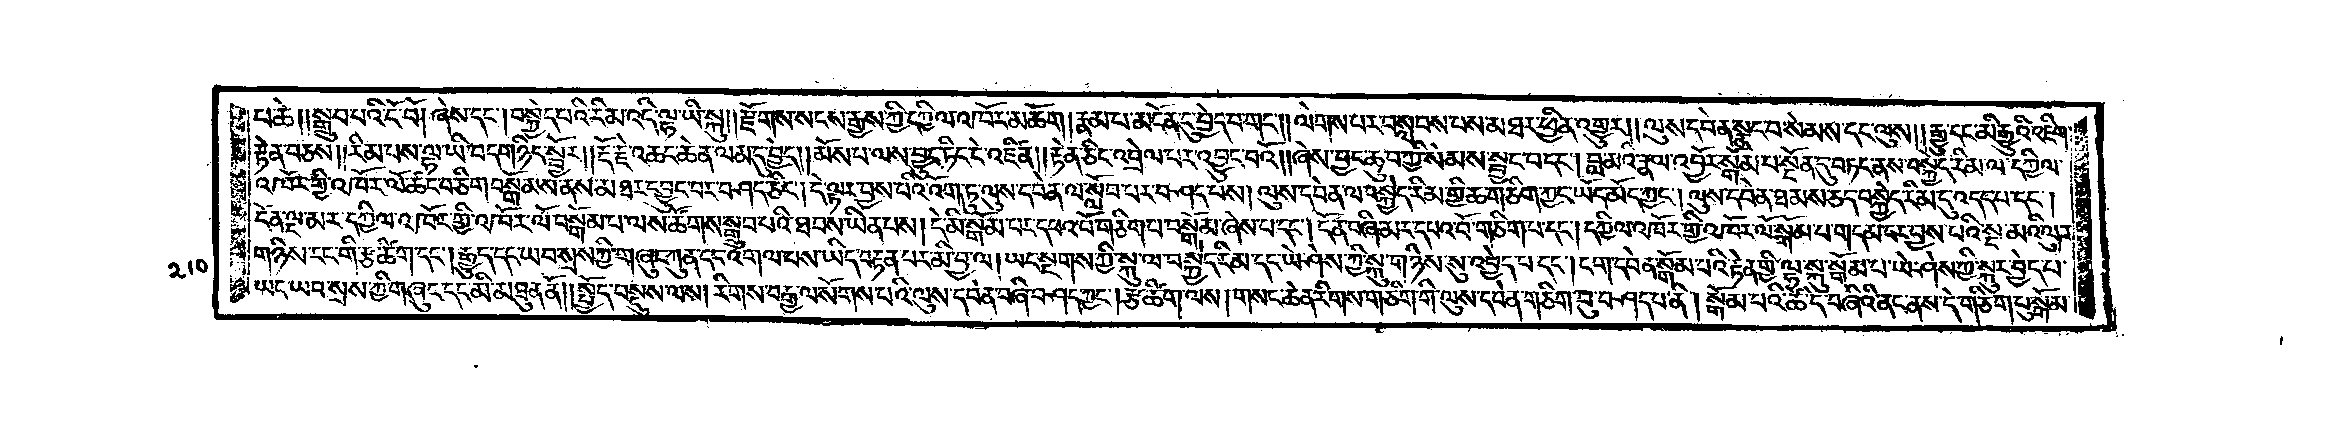པ་ཆེ། །སྒྲུབ་པའི་ངོ་བོ། ཞེས་དང་། བསྐྱེད་པའི་རིམ་འདི་ལྷ་ཡི་སྐུ། །རྫོགས་སངས་རྒྱས་ཀྱི་དཀྱིལ་འཁོར་མཆོག །རྣམ་པ་མངོན་དུ་བྱེད་པ་གང་། །ལེགས་པར་བསླབས་པས་མཐར་ཕྱིན་འགྱུར། །ལུས་དབེན་སྣང་བ་སེམས་དང་ལུས། །རྒྱུ་དང་མི་རྒྱུའི་འཇིག་
རྟེན་བཅས། །རིམ་པས་ལྷ་ཡི་བདག་ཉིད་སྦྱོར། །རྡོ་རྗེ་འཆང་ཆེན་ལམ་དུ་བྱེད། །མོས་པ་ལས་བྱུང་ཏིང་ངེ་འཛིན། །རྟེན་ཅིང་འབྲེལ་པར་འབྱུང་བའོ། །ཞེས་བྱང་ཆུབ་ཀྱི་སེམས་སྦྱང་བ་དང་། བླ་མའི་རྣལ་འབྱོར་སྒོམ་པ་སྔོན་དུ་བཏང་ནས་བསྐྱེད་རིམ་ལ་དཀྱིལ་
འཁོར་གྱི་འཁོར་ལོ་ཚང་བ་ཅིག་བསྒོམས་ནས་མཐར་དབྱུང་བར་བཤད་ཅིང་། དེ་ལྟར་བྱས་པའི་འོག་ཏུ་ལུས་དབེན་ལ་སློབ་པར་བཤད་པས། ལུས་དབེན་ལ་བསྐྱེད་རིམ་གྱི་ཆ་གཅིག་ཀྱང་ཡོད་མོད་ཀྱང་། ལུས་དབེན་ཐམས་ཅད་བསྐྱེད་རིམ་དུ་འདོད་པ་དང་།
དོན་ལྔ་མར་དཀྱིལ་འཁོར་གྱི་འཁོར་ལོ་བསྒོམ་པ་ལས་ཚོགས་སྒྲུབ་པའི་ཐབས་ཡིན་པས། དེ་མི་སྒོམ་པར་དཔའ་བོ་གཅིག་པ་བསྒོམ་ཞེས་པ་དང་། དོན་བཞི་མར་དཔའ་བོ་གཅིག་པ་དང་། དཀྱིལ་འཁོར་གྱི་འཁོར་ལོ་སྒོམ་པ་གདམ་ངར་བྱས་པའི་སྔ་མའི་ལུགས་
གཉིས་རང་གི་རྩ་ཚིག་དང་། རྒྱུད་དང་ཡབ་སྲས་ཀྱི་གཞུང་ཀུན་དང་འགལ་བས་ཡིད་བརྟན་པར་མི་བྱ་ལ། ཡང་སྔགས་ཀྱི་སྐུ་ལ་བསྐྱེད་རིམ་དང་ཡེ་ཤེས་ཀྱི་སྐུ་གཉིས་སུ་འབྱེད་པ་དང་། ངག་དབེན་སྒོམ་པའི་རྟེན་གྱི་ལྷ་སྐུ་སྒོམ་པ་ཡེ་ཤེས་ཀྱི་སྐུར་བྱེད་པ་
ཡང་ཡབ་སྲས་ཀྱི་གཞུང་དང་མི་མཐུན་ནོ། །སྤྱོད་བསྡུས་ལས། རིགས་བརྒྱ་ལ་སོགས་པའི་ལུས་དབེན་བཞི་བཤད་ཀྱང་། རྩ་ཚིག་ལས། གསང་ཆེན་རིགས་གཅིག་གི་ལུས་དབེན་གཅིག་པུ་བཤད་པ་ནི། སྒོམ་པའི་ཚེ་དེ་བཞིའི་ནང་ནས་དེ་གཅིག་པུ་སྒོམ་